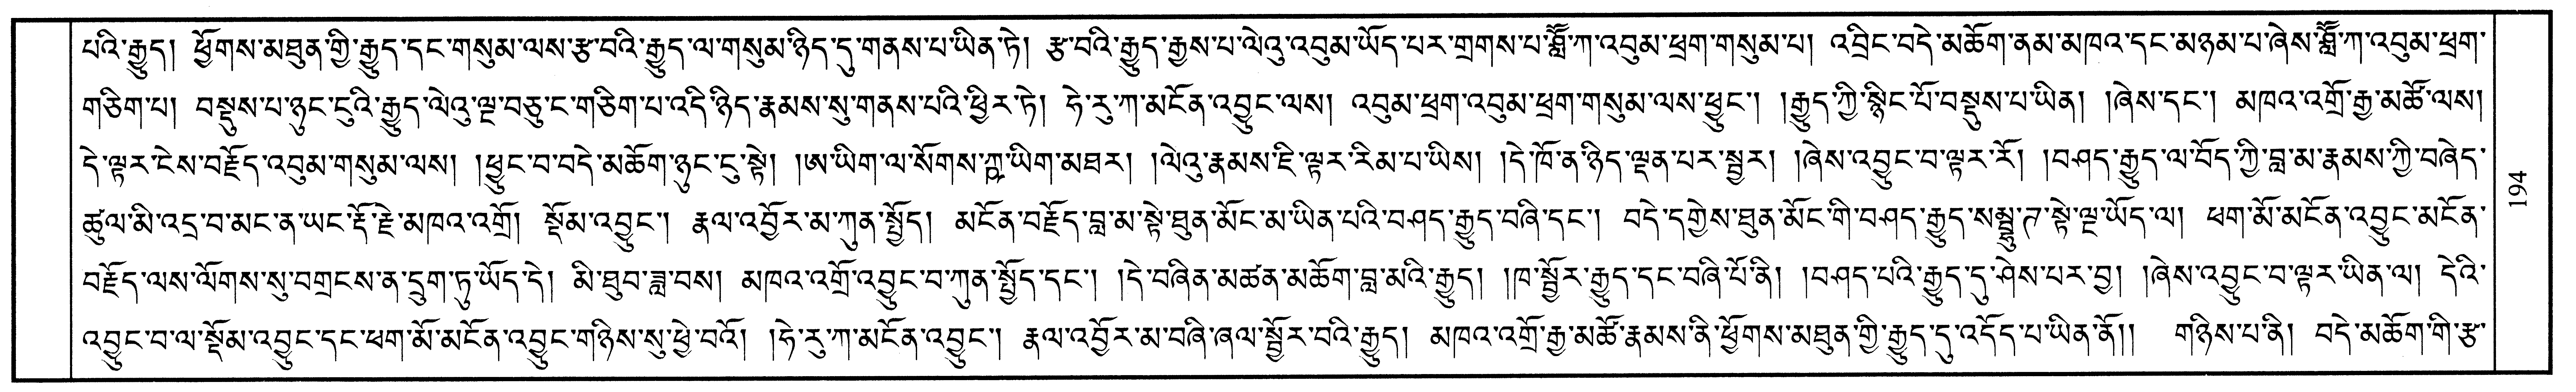པའི་རྒྱུད། ཕྱོགས་མཐུན་གྱི་རྒྱུད་དང་གསུམ་ལས་རྩ་བའི་རྒྱུད་ལ་གསུམ་ཉིད་དུ་གནས་པ་ཡིན་ཏེ། རྩ་བའི་རྒྱུད་རྒྱས་པ་ལེའུ་འབུམ་ཡོད་པར་གྲགས་པ་ཤླཽ་ཀ་འབུམ་ཕྲག་གསུམ་པ། འབྲིང་བདེ་མཆོག་ནམ་མཁའ་དང་མཉམ་པ་ཞེས་ཤླཽ་ཀ་འབུམ་ཕྲག་
གཅིག་པ། བསྡུས་པ་ཉུང་ངུའི་རྒྱུད་ལེའུ་ལྔ་བཅུ་ང་གཅིག་པ་འདི་ཉིད་རྣམས་སུ་གནས་པའི་ཕྱིར་ཏེ། ཧེ་རུ་ཀ་མངོན་འབྱུང་ལས། འབུམ་ཕྲག་འབུམ་ཕྲག་གསུམ་ལས་ཕྱུང་། །རྒྱུད་ཀྱི་སྙིང་པོ་བསྡུས་པ་ཡིན། །ཞེས་དང་། མཁའ་འགྲོ་རྒྱ་མཚོ་ལས།
དེ་ལྟར་ངེས་བརྗོད་འབུམ་གསུམ་ལས། །ཕྱུང་བ་བདེ་མཆོག་ཉུང་ངུ་སྟེ། །ཨ་ཡིག་ལ་སོགས་ཀྵ་ཡིག་མཐར། །ལེའུ་རྣམས་ཇི་ལྟར་རིམ་པ་ཡིས། །དེ་ཁོ་ན་ཉིད་ལྡན་པར་སྦྱར། །ཞེས་འབྱུང་བ་ལྟར་རོ། །བཤད་རྒྱུད་ལ་བོད་ཀྱི་བླ་མ་རྣམས་ཀྱི་བཞེད་
ཚུལ་མི་འདྲ་བ་མང་ན་ཡང་རྡོ་རྗེ་མཁའ་འགྲོ། སྡོམ་འབྱུང་། རྣལ་འབྱོར་མ་ཀུན་སྤྱོད། མངོན་བརྗོད་བླ་མ་སྟེ་ཐུན་མོང་མ་ཡིན་པའི་བཤད་རྒྱུད་བཞི་དང་། བདེ་དགྱེས་ཐུན་མོང་གི་བཤད་རྒྱུད་སམྦྷུ་ཊ་སྟེ་ལྔ་ཡོད་ལ། ཕག་མོ་མངོན་འབྱུང་མངོན་
བརྗོད་ལས་ལོགས་སུ་བགྲངས་ན་དྲུག་ཏུ་ཡོད་དེ། མི་ཐུབ་ཟླ་བས། མཁའ་འགྲོ་འབྱུང་བ་ཀུན་སྤྱོད་དང་། །དེ་བཞིན་མཚན་མཆོག་བླ་མའི་རྒྱུད། །ཁ་སྦྱོར་རྒྱུད་དང་བཞི་པོ་ནི། །བཤད་པའི་རྒྱུད་དུ་ཤེས་པར་བྱ། །ཞེས་འབྱུང་བ་ལྟར་ཡིན་ལ། དེའི་
འབྱུང་བ་ལ་སྡོམ་འབྱུང་དང་ཕག་མོ་མངོན་འབྱུང་གཉིས་སུ་ཕྱེ་བའོ། །ཧེ་རུ་ཀ་མངོན་འབྱུང་། རྣལ་འབྱོར་མ་བཞི་ཞལ་སྦྱོར་བའི་རྒྱུད། མཁའ་འགྲོ་རྒྱ་མཚོ་རྣམས་ནི་ཕྱོགས་མཐུན་གྱི་རྒྱུད་དུ་འདོད་པ་ཡིན་ནོ།། གཉིས་པ་ནི། བདེ་མཆོག་གི་རྩ་